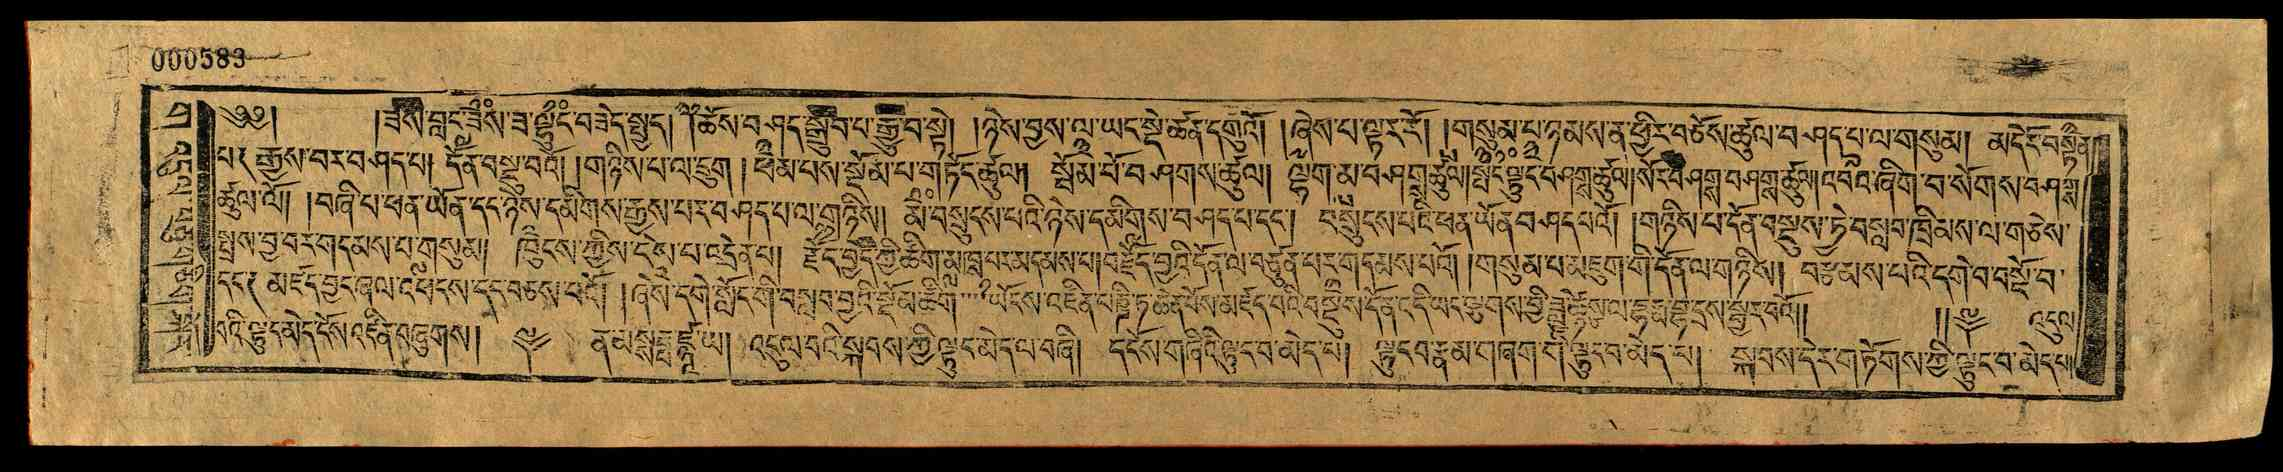༄༅། །ཟས་བླང་ཟས་ཟས་ལྷུང་བཟེད་སྤྱད། །ཆོས་བཤད་སྒྲུབ་པ་རྒྱུ་བ་སྟེ། །ཉེས་བྱས་ལ་ཡང་སྡེ་ཚན་དགུའོ། །ཞེས་པ་ལྟར་རོ། །གསུམ་པ་ཉམས་ན་ཕྱིར་བཅོས་ཚུལ་བཤད་པ་ལ་གསུམ། མདོར་བསྟན་
པ། རྒྱས་པར་བཤད་པ། དོན་བསྡུ་བའོ། །གཉིས་པ་ལ་དྲུག །ཕམ་པས་སྡོམ་པ་གཏོང་ཚུལ། སྦོམ་པོ་བཤགས་ཚུལ། ལྷག་མ་བཤགས་ཚུལ། སྤང་ལྟུང་བཤགས་ཚུལ། སོར་བཤགས་བཤགས་ཚུལ། འབའ་ཞིག་པ་སོགས་བཤགས་
ཚུལ་ལོ། །བཞི་པ་ཕན་ཡོན་དང་ཉེས་?་དམིགས་རྒྱས་པར་བཤད་པ་ལ་གཉིས། མ་བསྲུངས་པའི་ཉེས་དམིགས་བཤད་པ་དང་། བསྲུངས་པའི་ཕན་ཡོན་བཤད་པའོ། །གཉིས་པ་དོན་བསྡུས་ཏེ་བསླབ་ཁྲིམས་ལ་གཅེས་
སྤྲས་བྱ་བར་གདམས་པ་གསུམ། ཁུངས་ཀྱིས་ངེས་པ་འདྲེན་པ། རྗོད་བྱེད་ཀྱི་ཚིག་མཁས་པར་མདམས་པ། བརྗོད་བྱའི་དོན་ལ་བཙུན་པར་གདམས་པའོ། །གསུམ་པ་མཇུག་གི་དོན་ལ་གཉིས། བརྩམས་པའི་དགེ་བ་བསྔོ་བ་
དང་། མཛད་བྱང་ཞལ་འཕངས་དང་བཅས་པའོ། །ཞེས་དགེ་སློང་གི་བསླབ་བྱའི་སྡོམ་ཚིག་ཡོངས་འཛིན་པཎྜི་ཏ་ཆེན་པོས་མཛད་པའི་བསྡུས་དོན་འདི་ཡང་ལྕགས་བྱི་ཟླ ༤་ཆོས ༡༠་ལ་དྷརྨ་བྷ་དྲས་སྦྱར་བའོ།། །།༈ འདུལ་
བའི་ལྟུང་མེད་ངོས་འཛིན་བཞུགས། ༈ ན་མསྶརྦྦ་?་ཛྙཱ་ཡ། འདུལ་བའི་སྐབས་ཀྱི་ལྟུང་མེད་ལ་བཞི། དངོས་གཞིའི་ལྟུང་བ་མེད་པ། ལྟུང་བ་རྣམ་གཞག་གི་ལྟུང་བ་མེད་པ། སྐབས་དེར་གཏོགས་ཀྱི་ལྟུང་བ་མེད་པ་